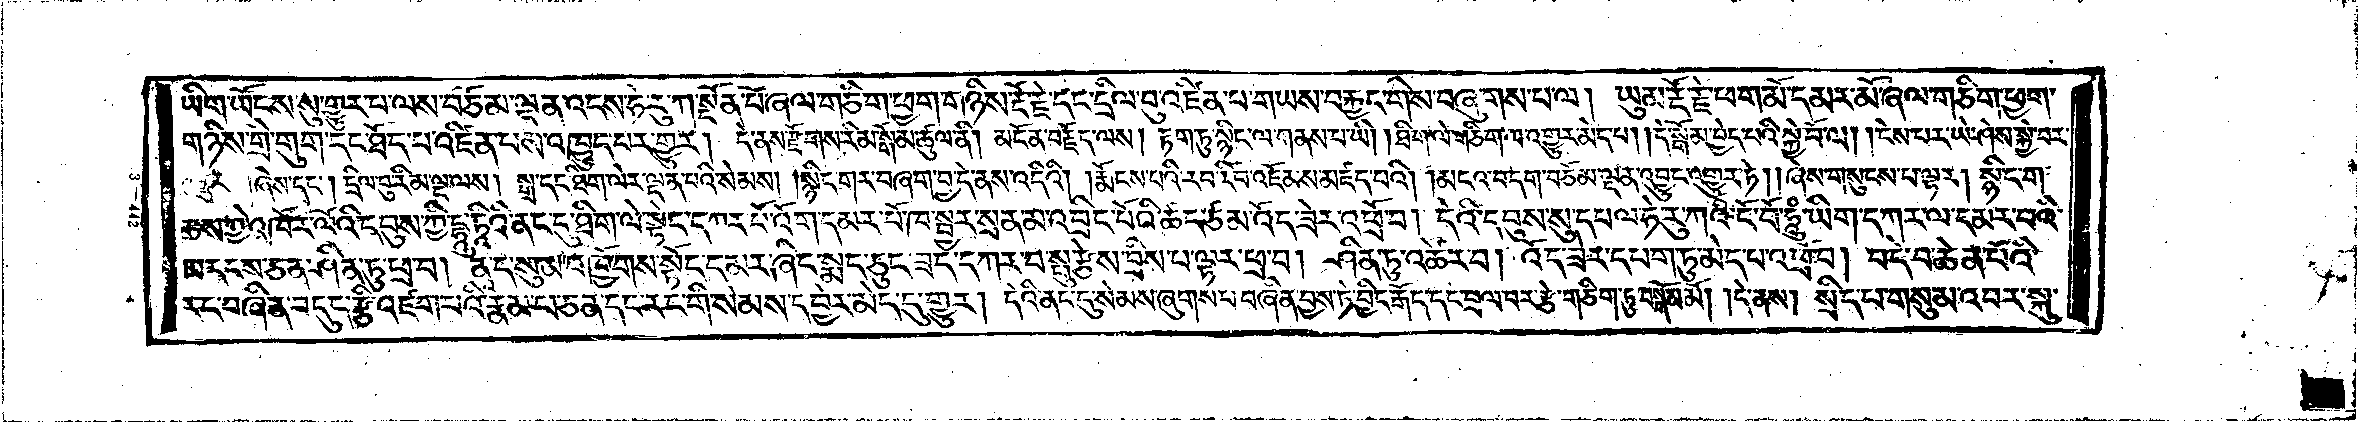ཡིག་ཡོངས་སུ་གྱུར་པ་ལས་བཅོམ་ལྡན་འདས་ཧེ་རུ་ཀ་སྔོན་པོ་ཞལ་གཅིག་ཕྱག་གཉིས་རྡོ་རྗེ་དང་དྲིལ་བུ་འཛིན་པ་གཡས་བརྐྱང་གིས་བཞུགས་པ་ལ། ཡུམ་རྡོ་རྗེ་ཕག་མོ་དམར་མོ་ཞལ་གཅིག་ཕྱག་
གཉིས་གྲི་གུག་དང་ཐོད་པ་འཛིན་པས་འཁྱུད་པར་གྱུར། དེ་ནས་རྫོགས་རིམ་སྒོམ་ཚུལ་ནི། མངོན་བརྗོད་ལས། རྟག་ཏུ་སྙིང་ལ་གནས་པ་ཡི། །ཐིག་ལེ་གཅིག་ལ་འགྱུར་མེད་པ། །དེ་སྒོམ་བྱེད་པའི་སྐྱེ་བོ་ལ། །ངེས་པར་ཡེ་ཤེས་སྐྱེ་བར་
འགྱུར་།ཞེས་དང་། དྲིལ་བུ་རིམ་ལྔ་ལས། སྒྲ་དང་ཐིག་ལེར་ལྡན་པའི་སེམས། །སྙིང་གར་བཞག་བྱ་དེ་ནས་འདིའི། །རྨོངས་པའི་རབ་རིབ་འཇོམས་མཛད་པའི། །མངའ་བདག་བཅོམ་ལྡན་འབྱུང་འགྱུར་ཏེ། །ཞེས་གསུངས་པ་ལྟར། སྙིང་ག་
ཆ་ས་ཀྱེ་འཁོར་ལོའི་དབུས་ཀྱི་དྷཱུ་ཏཱིའི་ནང་དུ་ཐིག་ལེ་སྟེང་དཀར་པོ་འོག་དམར་པོ་ཁ་སྦྱར་སྲན་མ་འབྲིང་པོའི་ཚད་ཙམ་འོད་ཟེར་འཕྲོ་བ། དེའི་དབུས་སུ་དཔལ་ཧེ་རུ་ཀའི་ངོ་བོ་ཧཱུཾ་ཡིག་དཀར་ལ་དམར་བའི་
ལ་དང་ས་ཅན་ཤིན་ཏུ་ཕྲ་བ། ནྭ་ད་སུམ་འཁྱོགས་སྟོང་དམར་ཞིང་སྨད་ཅུང་ཟད་དཀར་བ་སྤུ་རྩེས་བྲིས་པ་ལྟར་ཕྲ་བ། ཤིན་ཏུ་འཚེར་བ། འོད་ཟེར་དཔག་ཏུ་མེད་པ་འཕྲོ་བ། བདེ་བ་ཆེན་པོའི་
རང་བཞིན་བདུད་རྩི་འཛག་པའི་རྣམ་པ་ཅན་དང་རང་གི་སེམས་དབྱེར་མེད་དུ་གྱུར། དེའི་ནང་དུ་སེམས་ཞུགས་པ་བཞིན་བྱས་ཏེ་བྱིང་རྒོད་དང་བྲལ་བར་རྩེ་གཅིག་ཏུ་བསྒོམ་མོ། །དེ་ནས། སྲིད་པ་གསུམ་འབར་སྐུ་